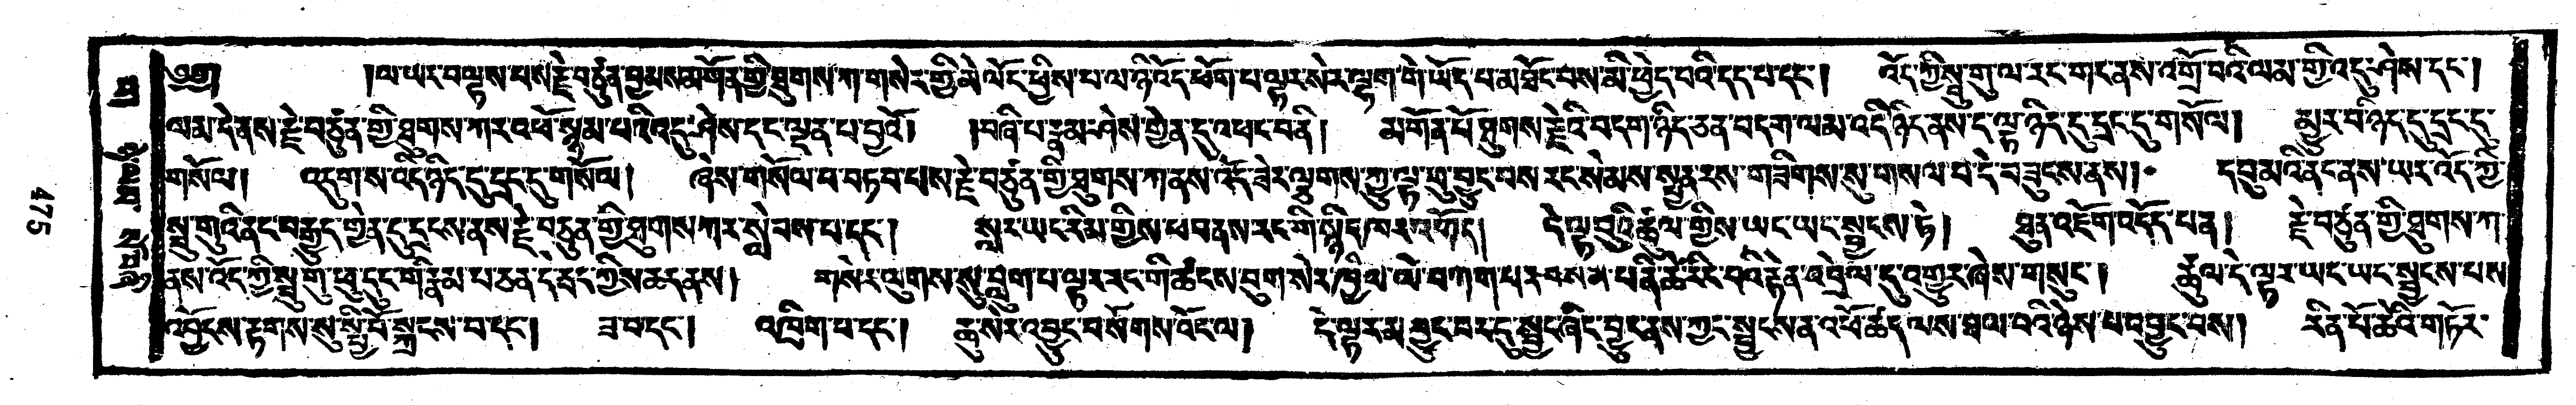༄༅། །ལ་ཡར་བལྟས་པས་རྗེ་བཙུན་བྱམས་མགོན་གྱི་ཐུགས་ཀ་གསེར་གྱི་མེ་ལོང་ཕྱིས་པ་ལ་ཉི་འོད་ཕོག་པ་ལྟར་སེར་ལྷག་གེ་ཡོད་པ་མཐོང་བས་མི་ཕྱེད་པའི་དད་པ་དང་། འོད་ཀྱི་སྦུ་གུ་ལ་རང་གང་ནས་འགྲོ་བའི་ལམ་གྱི་འདུ་ཤེས་དང་།
ལམ་དེ་ནས་རྗེ་བཙུན་གྱི་ཐུགས་ཀར་འཕོ་སྙམ་པའི་འདུ་ཤེས་དང་ལྡན་པ་བྱའོ། །བཞི་པ་རྣམ་ཤེས་གྱེན་དུ་འཕང་བ་ནི། མགོན་པོ་ཐུགས་རྗེའི་བདག་ཉིད་ཅན་བདག་ལམ་འདི་ཉིད་ནས་ད་ལྟ་ཉིད་དུ་དྲང་དུ་གསོལ། མྱུར་བ་ཉིད་དུ་དྲང་དུ་
གསོལ། འདུག་ས་འདི་ཉིད་དུ་དྲང་དུ་གསོལ། ཞེས་གསོལ་བ་བཏབ་པས་རྗེ་བཙུན་གྱི་ཐུགས་ཀ་ནས་འོད་ཟེར་ལྕགས་ཀྱུ་ལྟ་ཕུ་བྱུང་བས་རང་སེམས་སྦྱན་རས་གཟིགས་སུ་གསལ་བ་དེ་བཟུངས་ནས། དབུ་མའི་ནང་ནས་ཡར་འོད་ཀྱི་
སྦུ་གུའི་ནང་བརྒྱུད་གྱེན་དུ་དྲངས་ནས་རྗེ་བཅུན་གྱི་ཐུགས་ཀར་སླེབས་པ་དང་། སླར་ཡང་རིམ་གྱིས་ཕབ་ནས་རང་གི་སྙིང་ཁར་འགོད། དེ་ལྟ་བུའི་ཚུལ་གྱིས་ཡང་ཡང་སྦྱངས་ཏེ། ཐུན་འཇོག་འདོད་པ་ན། རྗེ་བཙུན་གྱི་ཐུགས་ཀ་
ནས་འོད་ཀྱི་སྦུ་གུ་ཕུ་དུང་གི་རྣམ་པ་ཅན་དེ་རྦད་ཀྱིས་ཆད་ནས། གསེར་ལུགས་སུ་བླུག་པ་ལྟར་རང་གི་ཚངས་བུ་གསེར་ཁྱིལ་ལེ་བཀག་པར་བསམ་པ་ནི་ཚེ་རིང་བའི་རྟེན་འབྲེལ་དུ་འགྱུར་ཞེས་གསུང་། ཚུལ་དེ་ལྟར་ཡང་ཡང་སྦྱངས་པས་
འབྱོངས་རྟགས་སུ་སྦྱི་བོ་སྐྲངས་བ་དང་། ཟ་བ་དང་། འཁྲིག་པ་དང་། ཆུ་སེར་འབྱུང་བ་སོགས་འོང་ལ། དེ་ལྟར་མ་བྱུང་བར་དུ་སྦྱང་ཞིང་བྱུང་ནས་ཀྱང་སྦྱངས་ན་འཕོ་ཚད་ལས་ཐལ་བའི་ཉེས་པ་འབྱུང་བས། རིན་པོ་ཆེའི་གཏོར་